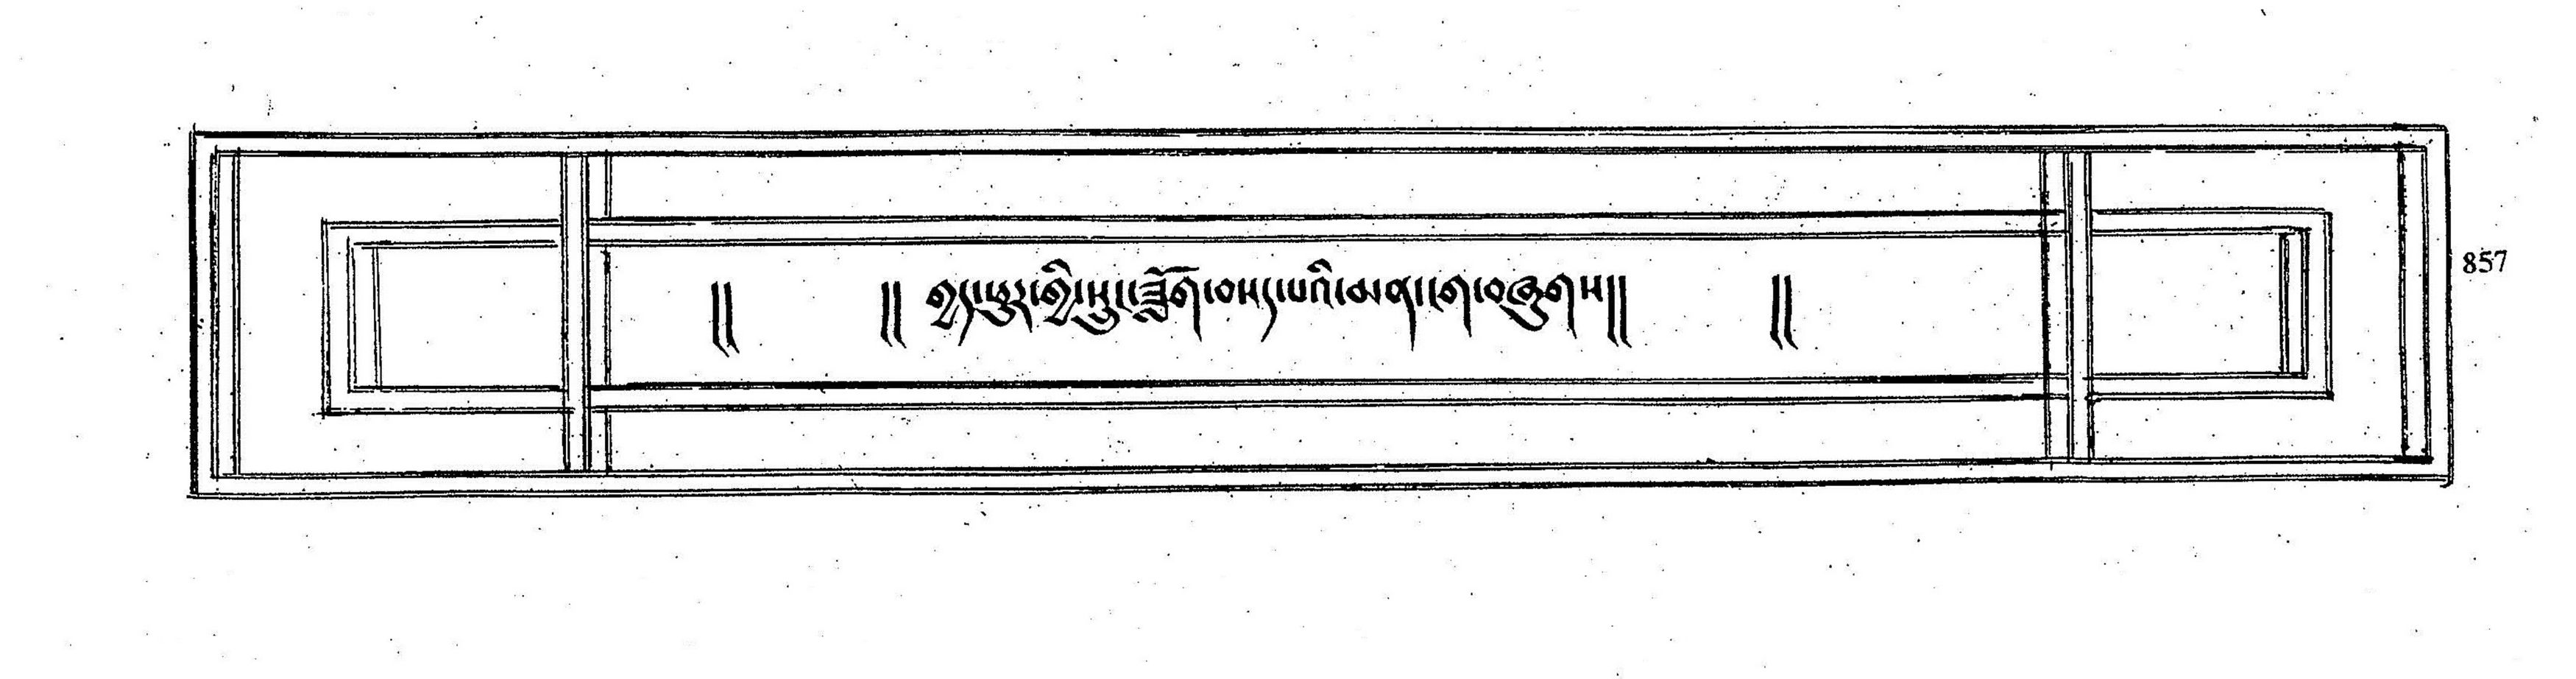།། །།གྱད་ཕུར་གྱི་སྲུང་ཟློག་བསད་པའི་མན་ངག་བཞུགས།། །།